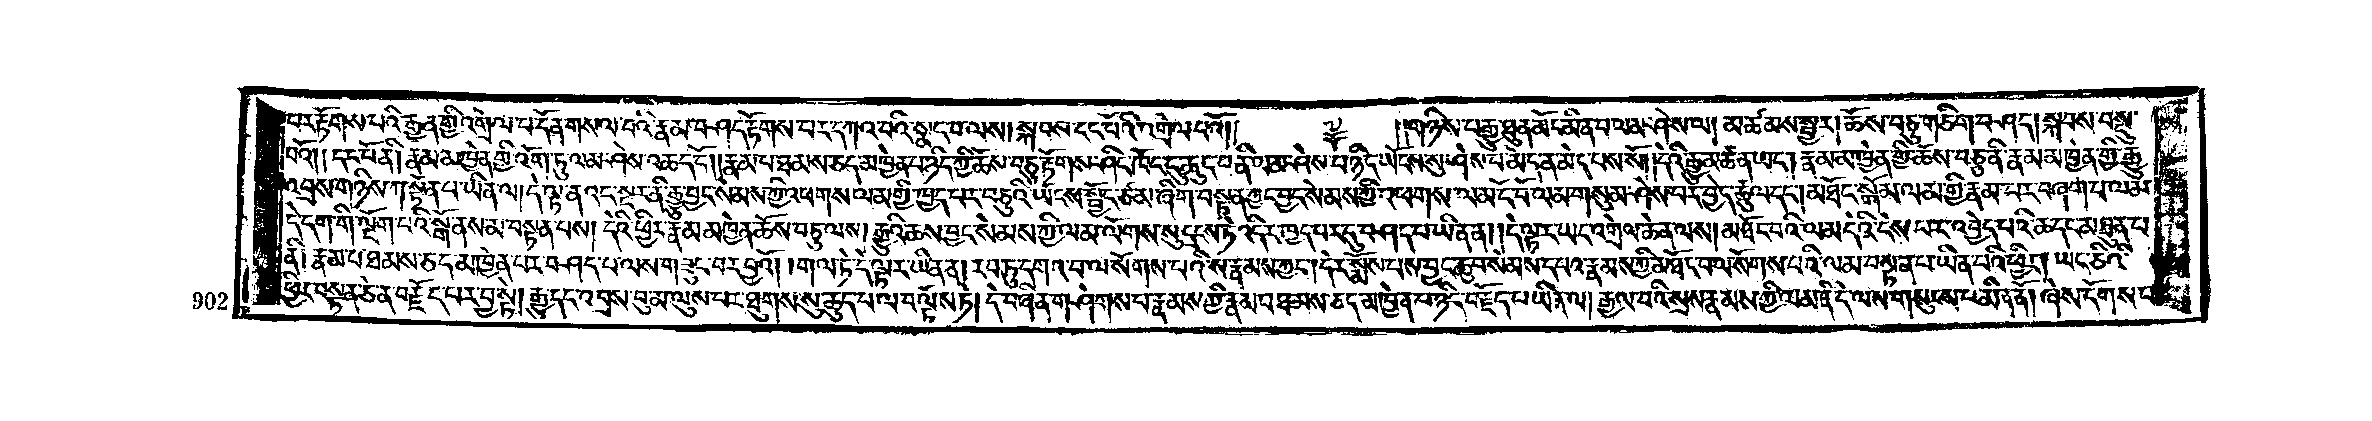པར་རྟོགས་པའི་རྒྱན་གྱི་འགྲེལ་པ་དོན་གསལ་བའི་རྣམ་བཤད་རྟོགས་པར་དཀའ་བའི་སྣང་བ་ལས། སྐབས་དང་པོའི་འགྲེལ་པའོ།། ༈ །།གཉིས་པ་རྒྱུ་ཐུན་མོང་མིན་པ་ལམ་ཤེས་ལ། མཚམས་སྦྱར། ཆོས་བཅུ་གཅིག་བཤད། སྐབས་བསྡུ་
བའོ། །དང་པོ་ནི། རྣམ་མཁྱེན་གྱི་འོག་ཏུ་ལམ་ཤེས་འཆད་དོ། །རྣམ་པ་ཐམས་ཅད་མཁྱེན་པ་ཉིད་ཀྱི་ཆོས་བཅུ་རྟོགས་ཤིང་ཁོང་དུ་ཆུད་པ་ནི་ལམ་ཤེས་པ་ཉིད་ཡོངས་སུ་ཤེས་པ་མེད་ན་མེད་པས་སོ། །དེའི་རྒྱུ་མཚན་ཡང་། རྣམ་མཁྱེན་གྱི་ཆོས་བཅུ་ནི་རྣམ་མཁྱེན་གྱི་རྒྱུ་
འབྲས་གཉིས་ཀ་སྟོན་པ་ཡིན་ལ། དེ་ལྟ་ནའང་སྔར་ནི་རྒྱུ་བྱང་སེམས་ཀྱི་འཕགས་ལམ་གྱི་ཁྱད་པར་བཅུའི་ཡོངས་སྦྱོང་ཙམ་ཞིག་བསྟན་ཀྱང་བྱང་སེམས་ཀྱི་འཕགས་ལམ་ངོ་བོ་ལམ་གསུམ་ཤེས་པར་བྱེད་ཚུལ་དང་། མཐོང་སྒོམ་ལམ་གྱི་རྣམ་པར་བཞག་པ་ལམ་
དེ་དག་གི་ལྡོག་པའི་སྒོ་ནས་མ་བསྟན་པས། དེའི་ཕྱིར་རྣམ་མཁྱེན་ཆོས་བཅུ་ལས། རྒྱུའི་ཆས་བྱང་སེམས་ཀྱི་ལམ་ལོགས་སུ་དྲངས་ཏེ་འདིར་ཁྱད་པར་དུ་བཤད་པ་ཡིན་ན། །དེ་ལྟར་ཡང་འགྲེལ་ཆེན་ལས། མཐོང་བའི་ལམ་དེའི་ངེས་པར་འབྱེད་པའི་ཆ་དང་མཐུན་པ་
ནི། རྣམ་པ་ཐམས་ཅད་མཁྱེན་པར་བཤད་པ་ལས་གཟུང་བར་བྱའོ། །གལ་ཏེ་དེ་ལྟར་ཡིན་ན། རབ་ཏུ་དགའ་བ་ལ་སོགས་པའི་ས་རྣམས་ཀྱང་། དེར་སྨོས་པས་བྱང་ཆུབ་སེམས་དཔའ་རྣམས་ཀྱི་མཐོང་བ་ལ་སོགས་པའི་ལམ་བསྟན་པ་ཡིན་པའི་ཕྱིར། ཡང་ཅིའི་
ཕྱིར་བསྟན་ཅེ་ན་བརྗོད་པར་བྱ་སྟེ། རྒྱུ་དང་འབྲས་བུ་མ་ལུས་པར་ཐུགས་སུ་ཆུད་པ་ལ་བལྟོས་ཏེ། དེ་བཞིན་གཤེགས་པ་རྣམས་ཀྱི་རྣམ་པ་ཐམས་ཅད་མཁྱེན་པ་ཉིད་བརྗོད་པ་ཡིན་ལ། རྒྱལ་བའི་སྲས་རྣམས་ཀྱི་ལམ་ནི་དེ་ལས་གསུངས་པ་མིན་ནོ། ཞེས་དོགས་པ་